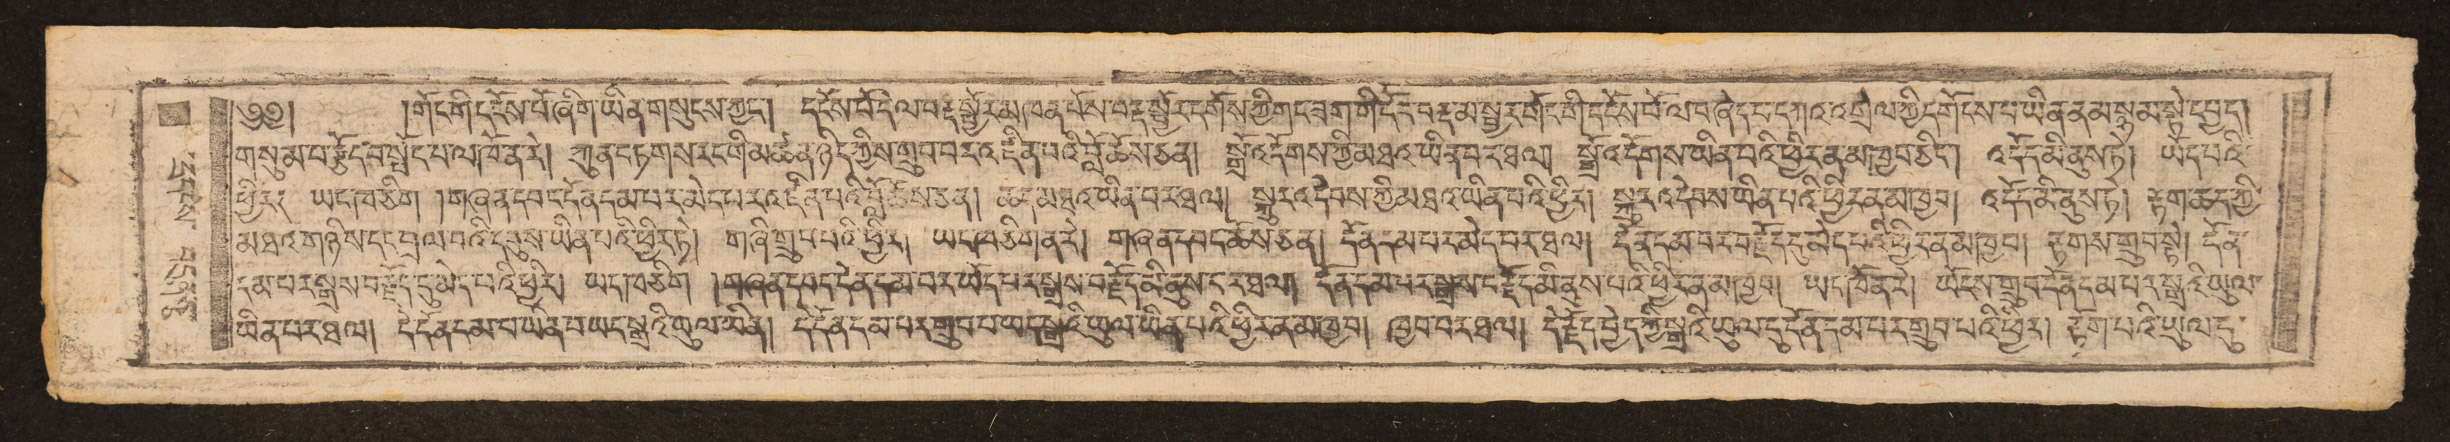༄༅། །གོང་གི་དངོས་པོ་ཞིག་ཡིན་གསུངས་ཀྱང་། དངོས་པོ་དེ་ལ་བརྡ་སྦྱོར་མཁན་པོས་བརྡ་སྦྱོར་དགོས་ཀྱི་གང་ཟག་གི་ངོར་བརྡ་མ་སྦྱར་གོང་གི་དངོས་པོ་ལ་བཞེད་པ་དཀའ་འགྲེལ་གྱི་དགོངས་པ་ཡིན་ནམ་སྙམ་སྟེ་དཔྱད།
གསུམ་པ་རྩོད་པ་སྤོང་པ་ལ་ཁོ་ན་རེ། ཀུན་བཏགས་རང་གི་མཚན་ཉིད་ཀྱིས་གྲུབ་པར་འཛིན་པའི་བློ་ཆོས་ཅན། སྒྲོ་འདོགས་ཀྱི་མཐའ་ཡིན་པར་ཐལ། སྒྲོ་འདོགས་ཡིན་པའི་ཕྱིར་ན་མ་ཁྱབ་ཅིང་། འདོད་མི་ནུས་ཏེ། ཡོད་
པའི་ཕྱིར། ཡང་ཁ་ཅིག །གཞན་དབང་དོན་དམ་པར་མེད་པར་འཛིན་པའི་བློ་ཆོས་ཅན། ཆད་མཐའ་ཡིན་པར་ཐལ། སྐུར་འདེབས་ཀྱི་མཐའ་ཡིན་པའི་ཕྱིར། སྐུར་འདེབས་ཡིན་པའི་ཕྱིར་ན་མ་ཁྱབ། འདོད་མི་ནུས་ཏེ། རྟག་ཆད་ཀྱི་
མཐའ་གཉིས་དང་བྲལ་བའི་དབུས་ཡིན་པའི་ཕྱིར་ཏེ། གཞི་གྲུབ་པའི་ཕྱིར། ཡང་ཁ་ཅིག་ན་རེ། གཞན་དབང་ཆོས་ཅན། དོན་དམ་པར་མེད་པར་ཐལ། དོན་དམ་པར་བརྗོད་དུ་མེད་པའི་ཕྱིར་ན་མ་ཁྱབ། རྟགས་གྲུབ་སྟེ། དོན་དམ་
པར་སྒྲས་བརྗོད་དུ་མེད་པའི་ཕྱིར། ཡང་ཁ་ཅིག །གཞན་དབང་དོན་དམ་པར་ཡོད་པར་སྒྲས་བརྗོད་མི་ནུས་པར་ཐལ། དོན་དམ་པར་སྒྲས་བརྗོད་མི་ནུས་པའི་ཕྱིར་ན་མ་ཁྱབ། ཡང་ཁོ་ན་རེ། ཡོངས་གྲུབ་དོན་དམ་པར་སྒྲའི་
ཡུལ་ཡིན་པར་ཐལ། དེ་དོན་དམ་པ་ཡིན་པ་ཡང་སྒྲའི་ཡུལ་ཡིན། དེ་དོན་དམ་པར་གྲུབ་པ་ཡང་སྒྲའི་ཡུལ་ཡིན་པའི་ཕྱིར་ན་མ་ཁྱབ། ཁྱབ་པར་ཐལ། དེ་རྗོད་བྱེད་ཀྱི་སྒྲའི་ཡུལ་དུ་དོན་དམ་པར་གྲུབ་པའི་ཕྱིར། རྟོག་པའི་ཡུལ་དུ་